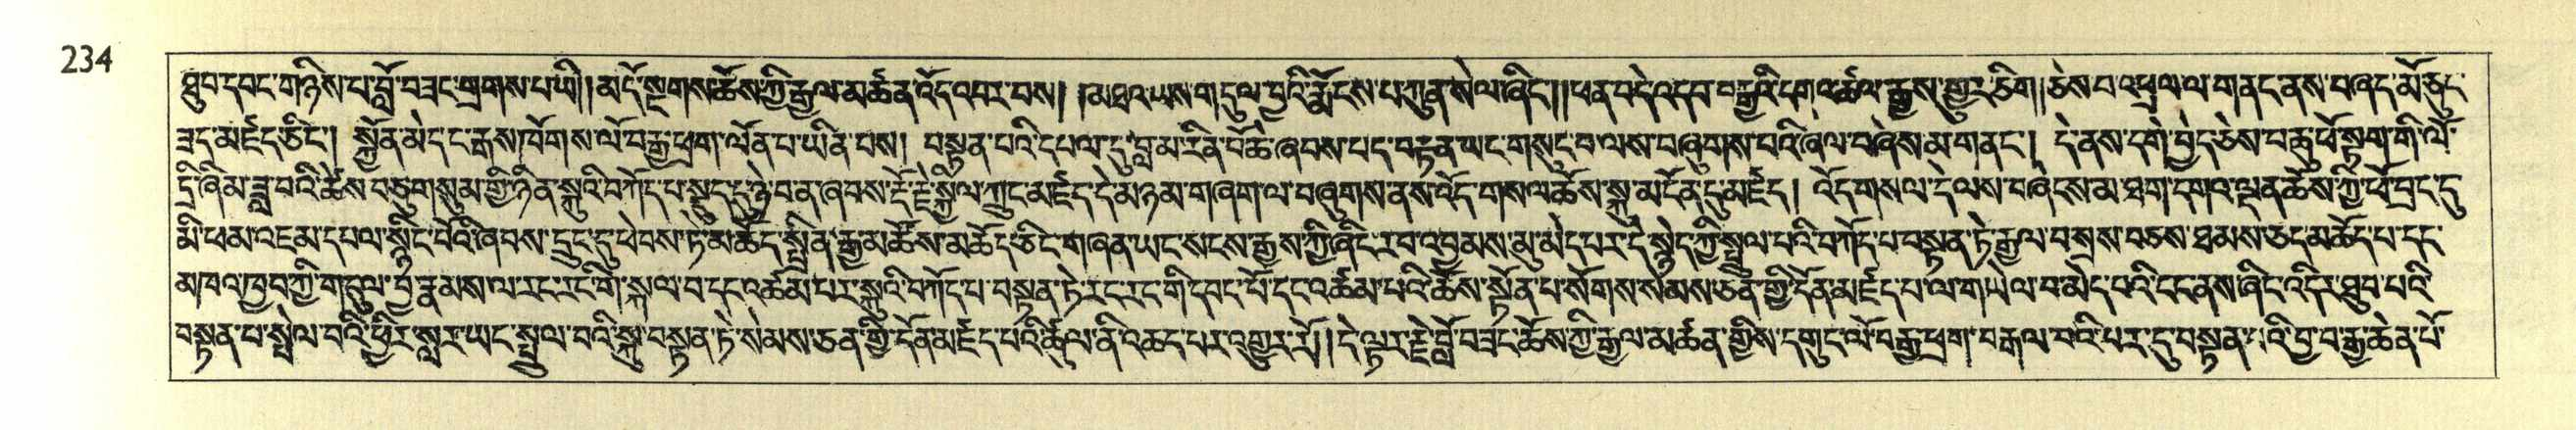ཐུབ་དབང་གཉིས་པ་བློ་བཟང་གྲགས་པ་ཡི། །མདོ་སྔགས་ཆོས་ཀྱི་རྒྱལ་མཚན་འོད་འབར་བས། །མཐའ་ཡས་གདུལ་བྱའི་རྨོངས་པ་ཀུན་སེལ་ཞིང་། །ཕན་བདེ་འདབ་བརྒྱའི་དགའ་ཚལ་རྒྱས་གྱུར་ཅིག །ཅེས་པ་འཕྲལ་ལ་གནང་ནས་བཞད་མོ་ཅུང་
ཟད་མཛད་ཅིང་། སྐྱོན་མེད་ང་རྒས་ཁོགས་ལོ་བརྒྱ་ཕྲག་ལོན་པ་ཡིན་པས། བསྟན་པའི་དཔལ་དུ་བླ་མ་རིན་པོ་ཆེ་ཞབས་པད་བརྟན་ཡང་གསུང་བ་ལས་བཞུགས་པའི་ཞལ་བཞེས་མ་གནང་། དེ་ནས་དགེ་བྱེད་ཅེས་པ་ཆུ་ཕོ་སྟག་གི་ལོ་
དྲི་ཞིམ་ཟླ་བའི་ཚེས་བཅུ་གསུམ་གྱི་ཉིན་སྐུའི་བཀོད་པ་སྡུད་དུ་ཉེ་བ་ན་ཞབས་རྡོ་རྗེ་སྐྱིལ་ཀྲུང་མཛད་དེ་མཉམ་གཞག་ལ་བཞུགས་ནས་འོད་གསལ་ཆོས་སྐུ་མངོན་དུ་མཛད། འོད་གསལ་དེ་ལས་བཞེངས་མ་ཐག་དགའ་ལྡན་ཆོས་ཀྱི་ཕོ་བྲང་དུ་
མི་ཕམ་འཇམ་དཔལ་སྙིང་པོ་ཞབས་དྲུང་དུ་ཕེབས་ཏེ་མཆོད་སྤྲིན་རྒྱ་མཚོས་མཆོད་ཅིང་གཞན་ཡང་སངས་རྒྱས་ཀྱི་ཞིང་རབ་འབྱམས་མུ་མེད་པར་དེ་སྙེད་ཀྱི་སྤྲུལ་པའི་བཀོད་པ་བསྟན་ཏེ་རྒྱལ་བ་སྲས་བཅས་ཐམས་ཅད་མཆོད་པ་དང་
མཁའ་ཁྱབ་ཀྱི་གདུལ་བྱ་རྣམས་ལ་རང་རང་གི་སྐལ་བ་དང་འཚམ་པར་སྐུའི་བཀོད་པ་བསྟན་ཏེ་རང་རང་གི་དབང་པོ་དང་འཚམ་པའི་ཆོས་སྟོན་པ་སོགས་སེམས་ཅན་གྱི་དོན་མཛད་པ་ལ་གཡེལ་བ་མེད་པའི་ངང་ནས་ཞིང་འདིར་ཐུབ་པའི་
བསྟན་པ་སྤེལ་བའི་ཕྱིར་སླར་ཡང་སྤྲུལ་བའི་སྐུ་བསྟན་ཏེ་སེམས་ཅན་གྱི་དོན་མཛད་པའི་ཚུལ་ནི་འཆད་པར་འགྱུར་རོ། །དེ་ལྟར་རྗེ་བློ་བཟང་ཆོས་ཀྱི་རྒྱལ་མཚན་གྱིས་དགུང་ལོ་བརྒྱ་ཕྲག་བརྒལ་པའི་པར་དུ་བསྟན་པའི་བྱ་བ་རྒྱ་ཆེན་པོ་